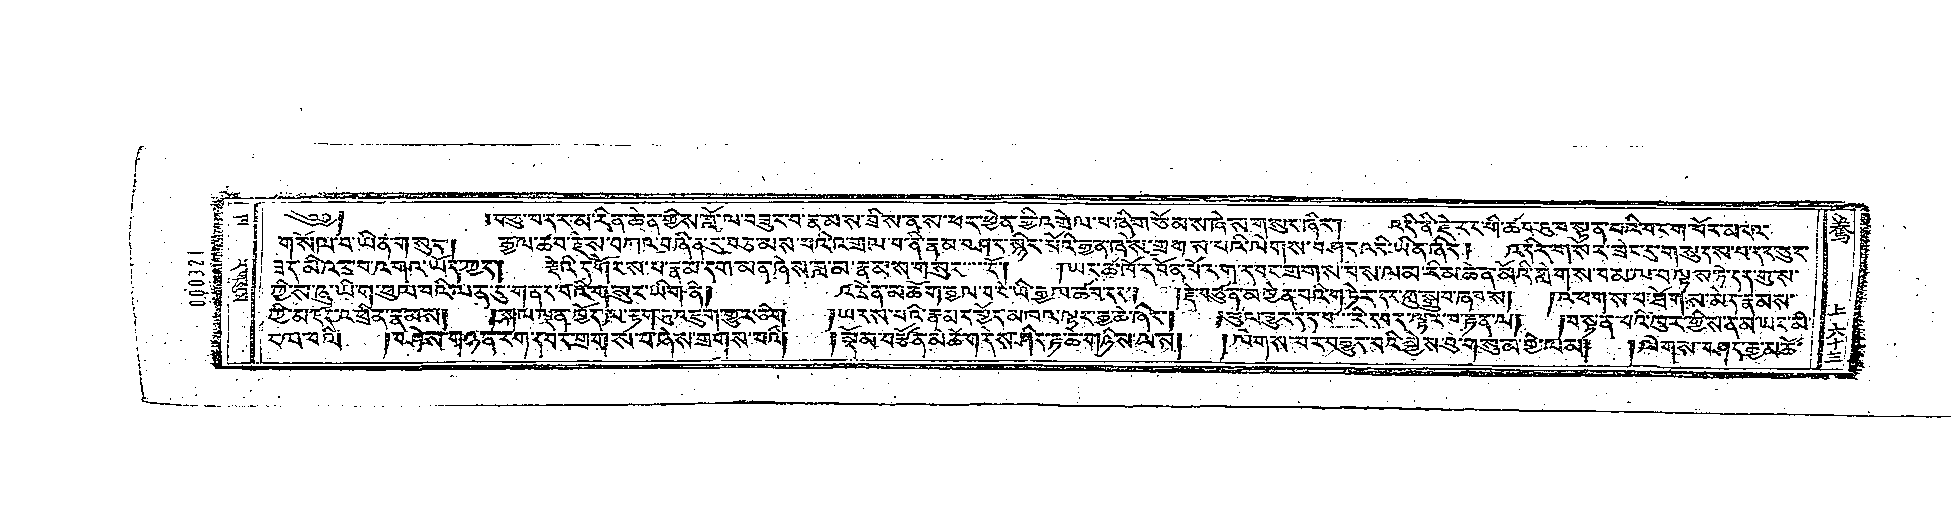༄༅། །བཅུ་པ་དར་མ་རིན་ཆེན་གྱིས་བློ་ལ་བཟུང་བ་རྣམས་བྲིས་ནས་ཕར་ཕྱིན་གྱི་འགྲེལ་པ་ཞིག་ཙོམས་ཞེས་གསུང་ཞིང་། འདི་ནི་རྗེ་རང་གི་ཚབ་ཏུ་བསྟན་པའི་བདག་བོར་མངའ་
གསོལ་བ་ཡིན་གསུང་། རྒྱལ་ཚབ་རྗེས་བཀའ་བཞིན་དུ་བཙམས་བའི་འགྲལ་པ་ནི་རྣམ་བཤད་སྙིང་པོའི་རྒྱན་ཞེས་གྲགས་པའི་ལེགས་བཤད་འདི་ཡིན་ཞིང་། འདིར་གསེར་ཕྲེང་དུ་གསུངས་པ་དང་ཅུང་
ཟད་མི་འདྲ་བ་འགའ་ཡོད་ཀྱང་། རྗེའི་དགོངས་པ་རྣམ་དག་མན་ཞེས་བླ་མ་རྣམས་གསུང་ངོ། །ཡང་ཚ་ཁོ་དཔོན་པོ་ངག་དབང་གྲགས་པས་ལམ་རིམ་ཆེན་མོའི་གླེགས་བམ་ལ་བལྟས་ཏེ་དད་གུས་
ཀྱི་ས་ཞུ་ཡི་ག་ཕུལ་བའི་ལན་དུ་གནང་བའི་གསུང་ཡིག་ནི། འདྲེན་མཆོག་རྒྱལ་བ་དེ་ཡི་རྒྱལ་ཚབ་དང་། །རྗེ་བཙུན་མཁྱེན་བའི་གཏེར་དང་གླུ་སྒྲུབ་ཞབས། །འཕགས་པ་ཐོགས་མེད་རྣམས་
ཀྱི་མཛད་འཕྲིན་རྣམས། །སྐལ་ལྡན་ཁྱོད་ལ་རྟག་ཏུ་འཇུག་གྱུར་ཅིག། ཡངས་པའི་རྣམ་དཔྱོད་མཁའ་ལྟར་རྒྱ་ཆེ་ཞིང་། །ཕུལ་བྱུང་དད་པ་རི་དབང་ལྟར་བ་རྟན་ལ། །བསྟན་པའི་ཁུར་གྱིས་ནམ་ཡང་མི་
ངལ་བའི། །བཤེས་གཉེན་ངག་དབང་གྲགས་པ་ཞེས་གྲགས་བའི། །སྡོམ་བརྩོན་མཆོག་དེས་ཤིང་རྟ་ཆེ་གཉིས་ལས། །ལེགས་པར་བརྒྱུད་བའི་སྐྱེས་བུ་གསུམ་གྱི་ལམ། །ལེགས་བཤད་རྒྱ་མཚོ་